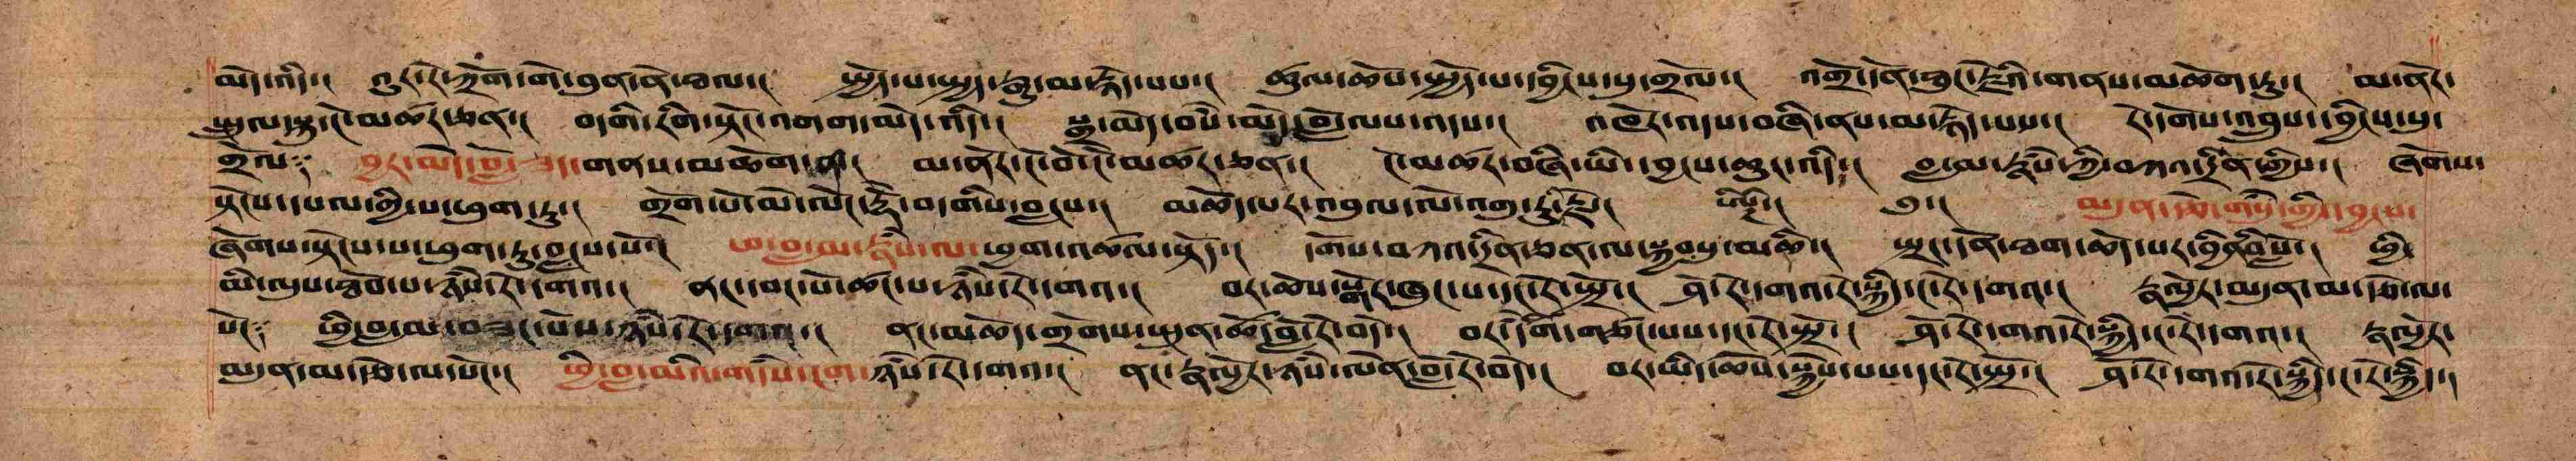མེད་འདི།། འུར་རེ་ཀྲོག་གེ་བུན་ནེ་ཐལ།། སྤྱོད་པ་སྤྱད་རྒྱུ་མ་རྙེད་པས།། ཚུལ་ཆོས་སྤྱོད་པ་དབྱིངས་སུ་གྲོལ།། འགྲོ་དོན་ཐུགས་རྗེའི་གནས་མཆོག་ཏུ།། མ་ནོར་
སྤྲུལ་སྐུ་ངོ་མཚར་ཅན།། བདག་གི་རིག་སྟོང་འགག་མེད་འདི།། སྒྲ་མེད་བསམ་མེད་བློ་ལས་འདས།། འཁོར་འདས་བཞི་ནས་མ་རྙེད་པས།། རེ་དོགས་འབྲས་བུ་དབྱིངས་སུ་
གྲོལ།། བྱར་མེད་བློ་ཟད་གནས་མཆོག་ན།། མ་ནོར་ངོ་བོ་ངོ་མཚར་ཅན།། ངོ་མཚར་བཞི་ཡི་དབྱངས་ཆུང་འདི།། བླ་མ་རྣམས་ཀྱི་བཀའ་དྲིན་གྱིས།། ཞོགས་
སྟོངས་དཔལ་གྱི་ས་ཕུག་ཏུ།། གྲོགས་པོ་མེ་ལོང་རྡོ་རྗེ་བདག་གིས་བླངས།། མཆོད་པར་འབུལ་ལོ་འགུ་རུ་རྗེ།། ཨྚི།། ༄་། མདུན་རྩེ་གསུམ་གྱི་དབྱངས་
ཞོགས་སྟོངས་ས་ཕུག་ཏུ་བླངས་སོ།། ཕ་བླ་མ་རྣམས་ལ་ཕྱག་འཚལ་བསྟོད།། དགོས་བཀའ་དྲིན་ཅན་ལ་སྐྱབས་སུ་མཆི།། སྤྲང་དོན་ཐག་ཆོད་པར་བྱིན་གྱིས་རློབས།། ཕྱི་
མི་ལུས་ཐོབ་པ་ཉམས་རེ་དགའ།། ནང་དབང་པོ་ཚང་པ་ཉམས་རེ་དགའ།། བར་ཆོས་སྒོར་ཞུགས་པ་དང་རེ་སྤྲོ།། ཤོ་རེ་དགའ་རེ་སྐྱིད་ངོ་རེ་དགའ།། རྣལ་འབྱོར་མདུན་མ་རྩེ་ལ་
སོང་།། ཕྱི་བླ་མ་བཟང་པོས་ཉམས་རེ་དགའ།། ནང་མཆེད་གྲོགས་སྤུན་ཚོ་བློ་རེ་བདེ།། བར་དམ་ཚིག་གཙང་པས་དང་རེ་སྤྲོ།། ཤོ་རེ་དགའ་རེ་སྐྱིད་ང་རེ་དགའ།། རྣལ་འབྱོར་
མདུན་མ་རྩེ་ལ་སོང་།། ཕྱི་བླ་མའི་གདམས་ངག་ཉམས་རེ་དགའ།། ནང་རྣལ་འབྱོར་ཉམས་ལེན་བློ་རེ་བདེ།། བར་ཡིད་ཆོས་སྐྱེས་པས་དང་རེ་སྤྲོ།། ཤོ་རེ་དགའ་རེ་སྐྱིད་ང་རེ་སྐྱིད།།